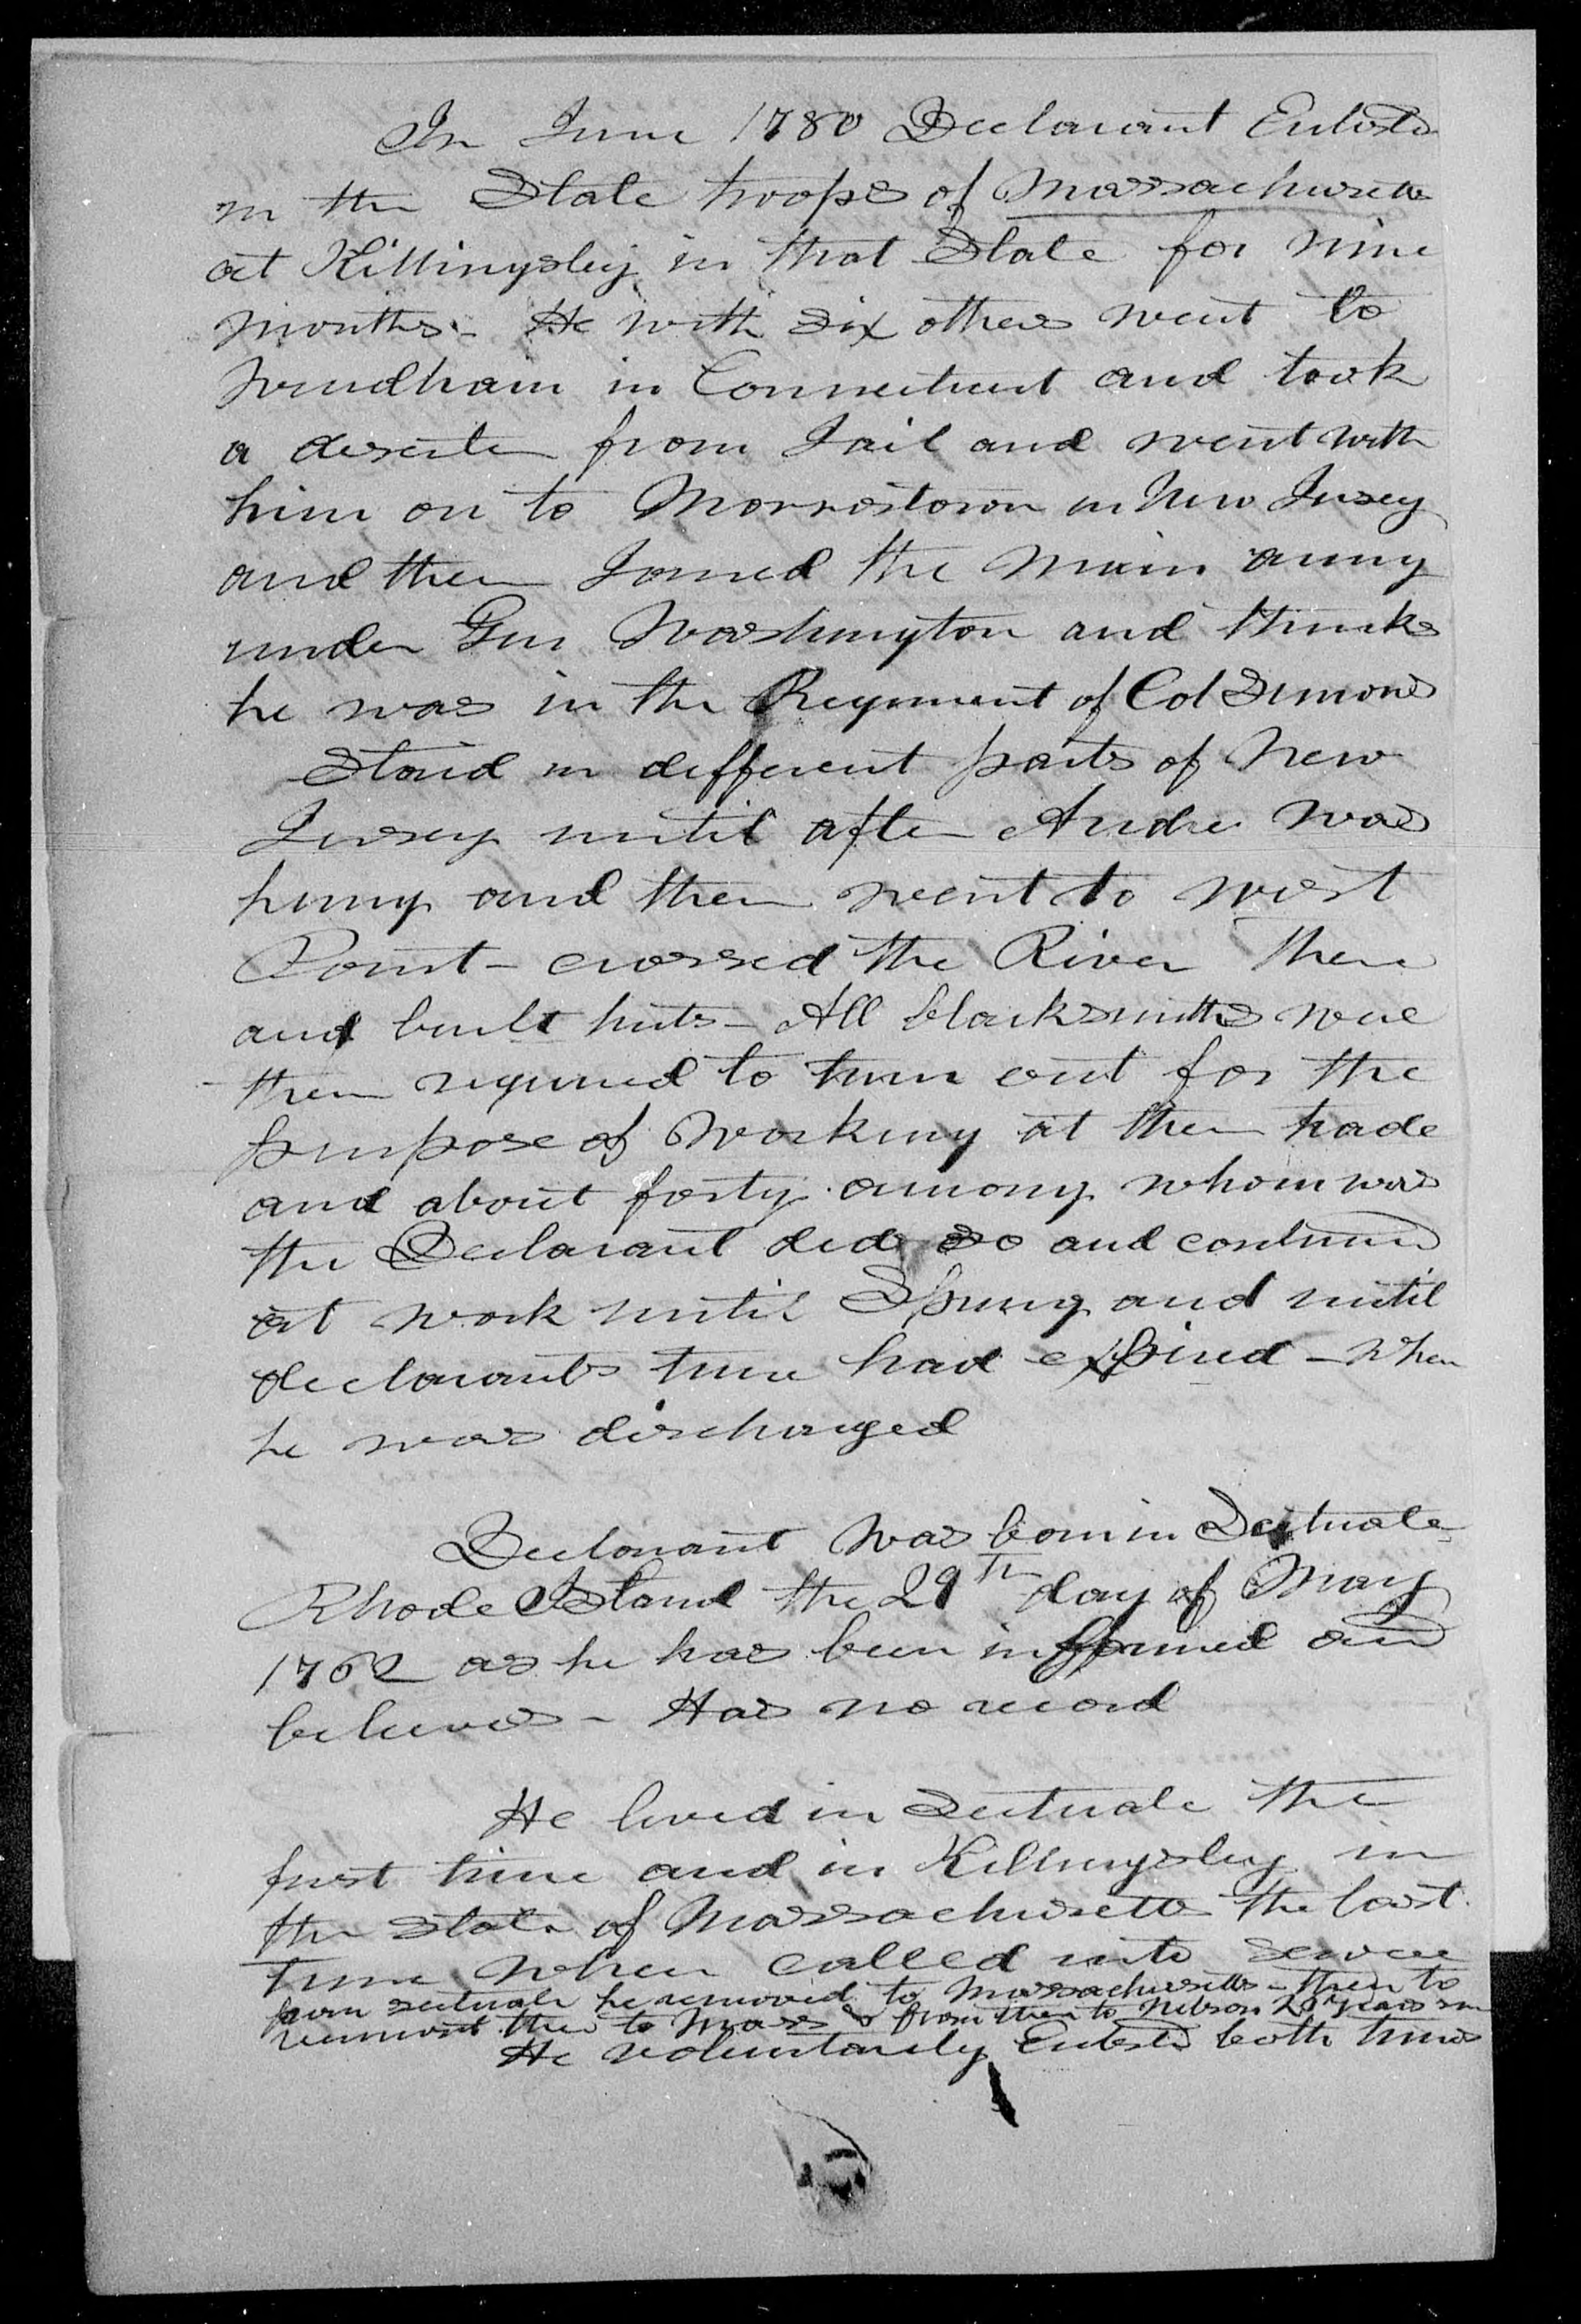In June 1780 Declarant enlisted in the State troops of Massachusetts at Killingsley in that State for nine months. He with six others went to Windham in Connecticut and took a deserter from jail and went with him on to Morristown in New Jersey and then joined the main army under Gen. Washington and thinks he was in the regiment of Col. Simond. Staid in different parts of New Jersey until after Andre' was hung and then went to West Point - crossed the river there and built huts - all blacksmiths were then required to turn out for the purpose of working at their trade and about forty among whom was the Declarant did so and continued at work until spring and until declarant's tour had expired - when he was discharged.

Declarant was born in Scituate, Rhode Island, the 29th day of May, 1762, as he has been informed and believes - has no record.

He lived in Scituate the first time and in Killingsley in the State of Massachusetts the last time when called into service from Scituate he removed to Massachusetts - then to Vermont then to Massacusetts and from there to Nelson 20 years since. He voluntarily enlisted both times.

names: Washington, Andre, Simons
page: 6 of 61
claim: survivor's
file: S. 22798, Paul Griffiths, R.I.